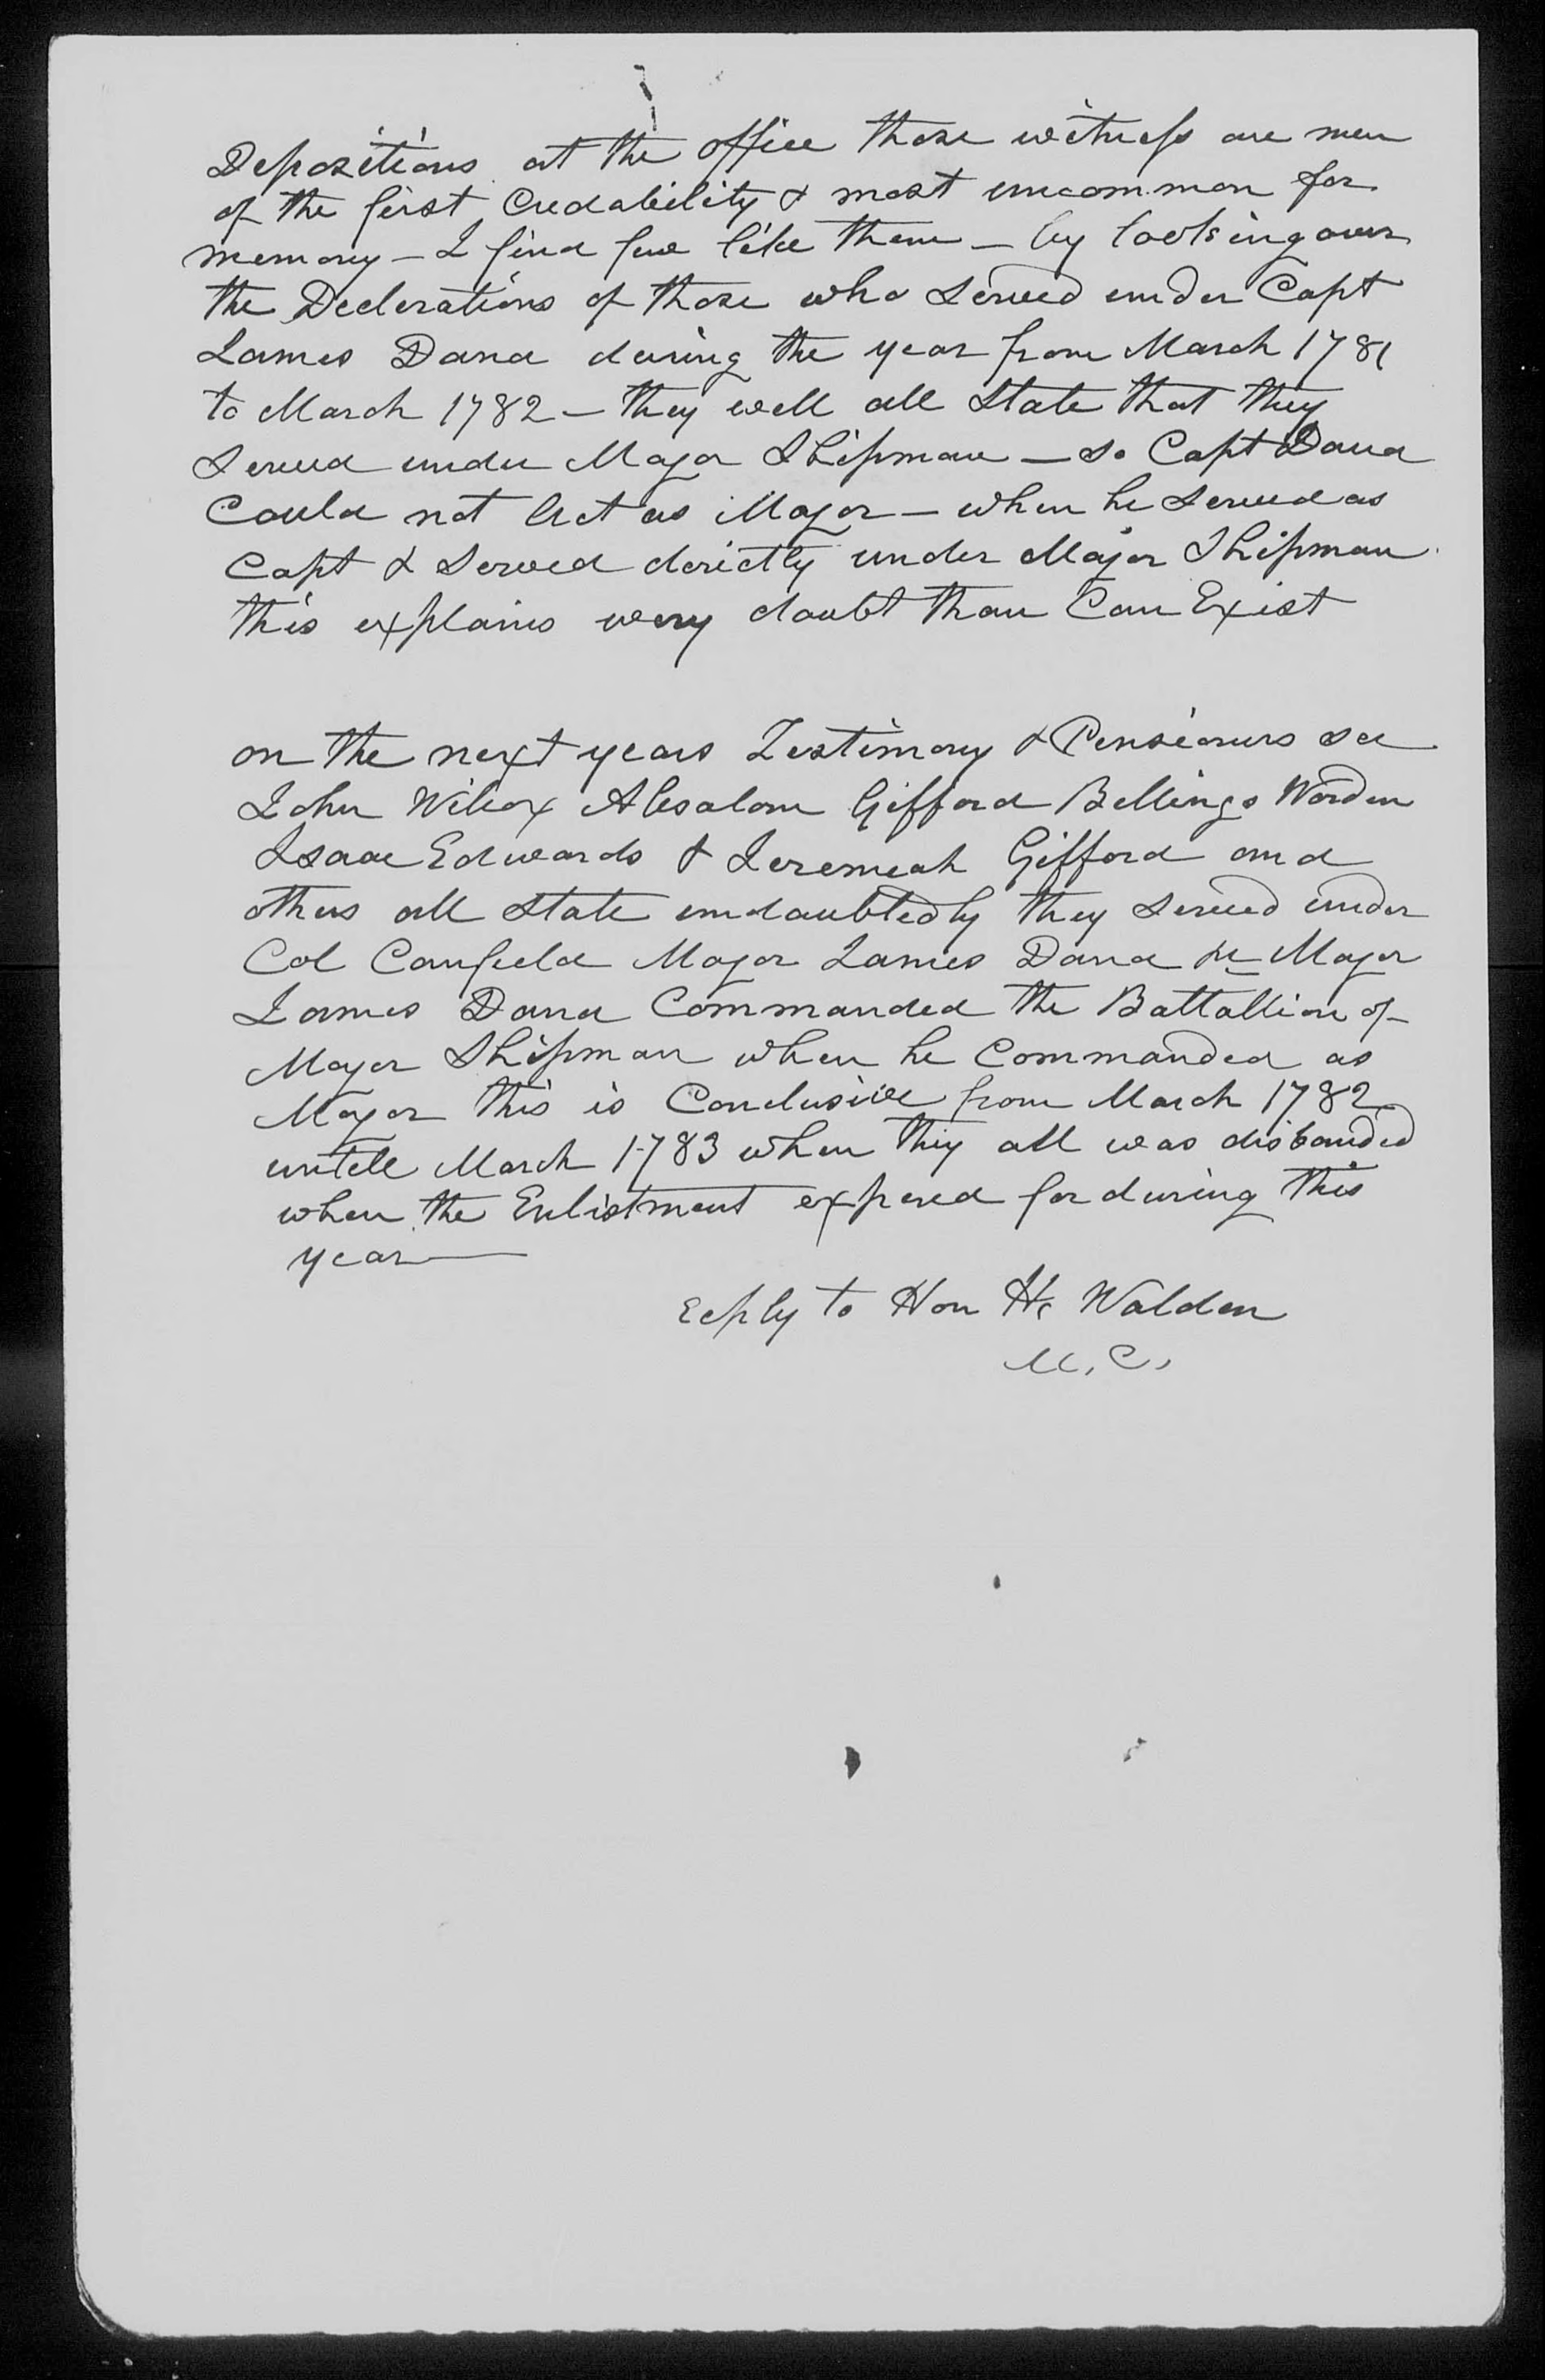Depositions at the office those witness are men of the first Credibility & most uncommon for memory - I find few like them - by looking over the Declarations of those who served under Capt James Dana during the year from March 1781 to March 1782 - they well all state that they served under Major Shipman - so Capt Dana Could not Act as Major - when he served as Capt  served directly under Major Shipman. This explains every doubt than [that] Can Exist

on the next years Testimony & Pensioners see John Wilcox Absalom Gifford Bellings Worden Isaac Edwards & Jeremiah Gifford and others all state undoubtedly they served under Col Canfield Major James Dana [illegible] Major James Dana Commanded the Battallion [battalion] of Major Shipman when he commanded as Major this is Conclusive from March 1782 untill [until] March 1783 when they all was disbanded when the Enlistment expired for during this year

reply to Hon H. Walden
M. C.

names: James Dana, Absalom Gifford, Isaac Edwards, Jeremiah Gifford, Shipman, Canfield, James Dana, John Wilcox, Shipman, H Walden, Shipman, Dana, Billings Warden, James Dana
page: 69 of 106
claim: survivor's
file: S 23,116., Joshua Benedict, Conn.